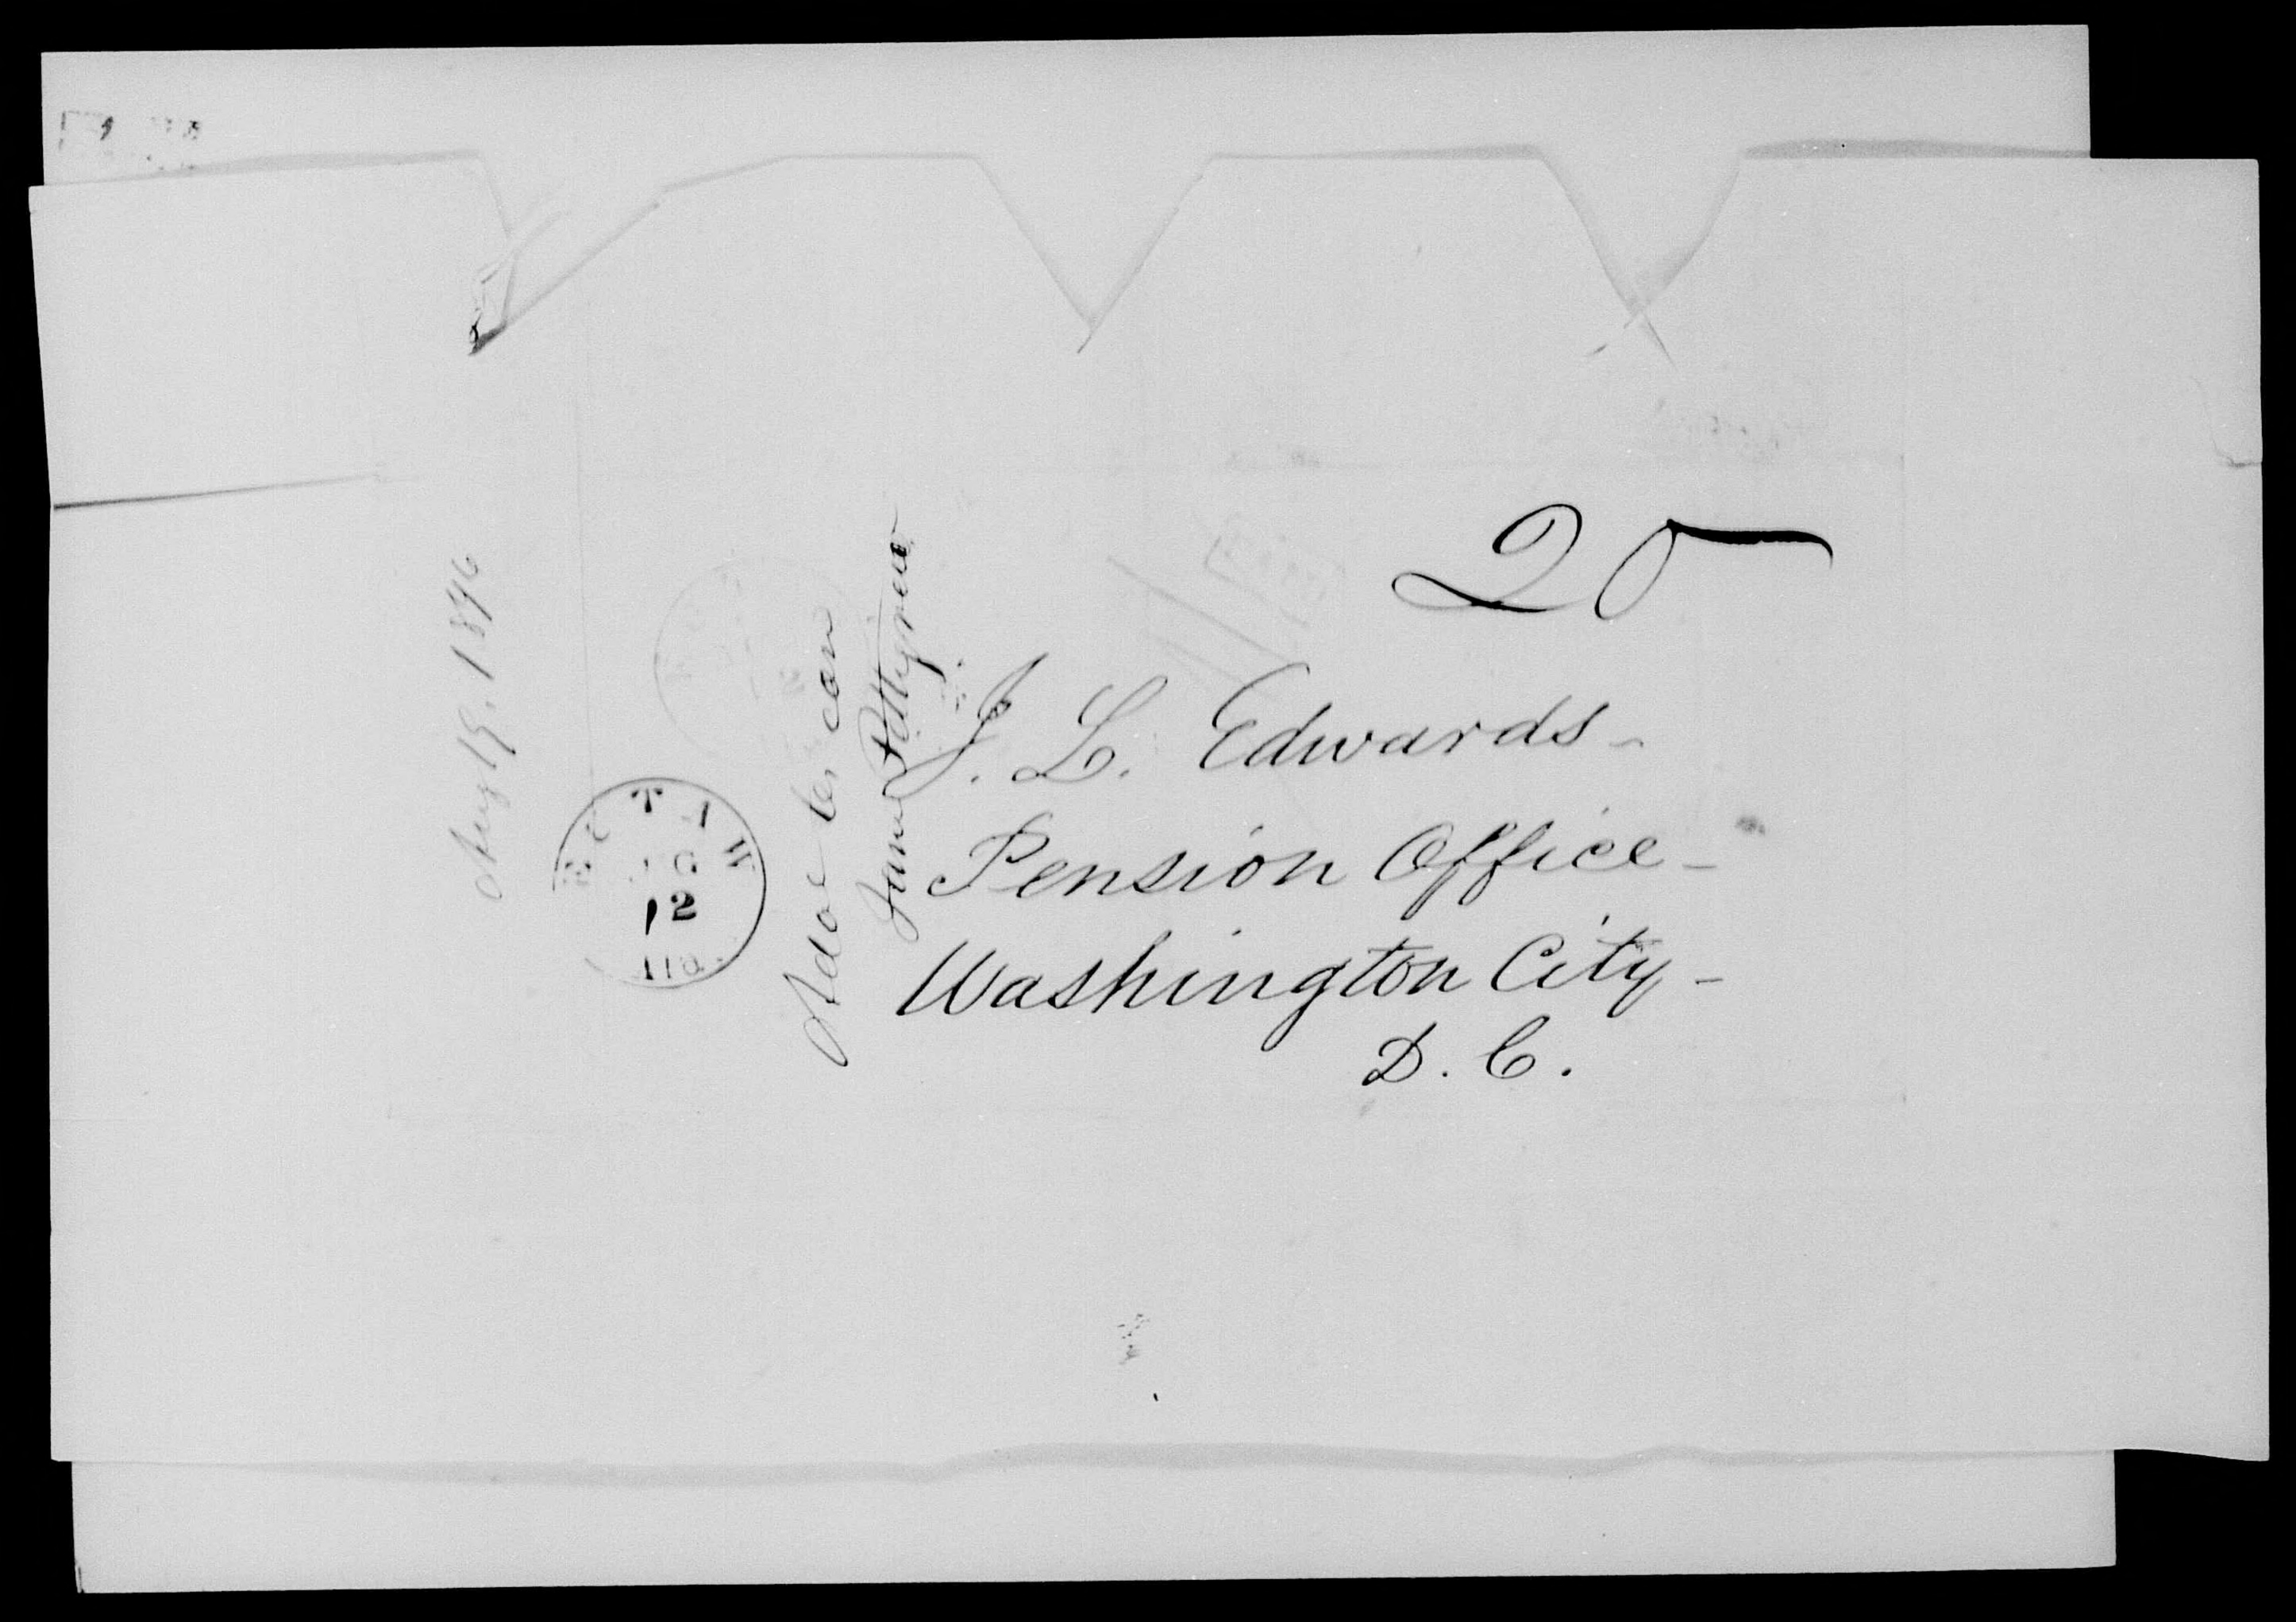20
J.L. Edwards~
Pension Office-
Washington City-
D.C.

Aug 19, 1896
Adac 6, can
James Pettigrew

[seal "ECTAW JC 12 Ala."]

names: J L Edwards; Jane Pettigrew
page: 67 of 92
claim: widow's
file: W. 5522, for James Pettigrew, South Carolina